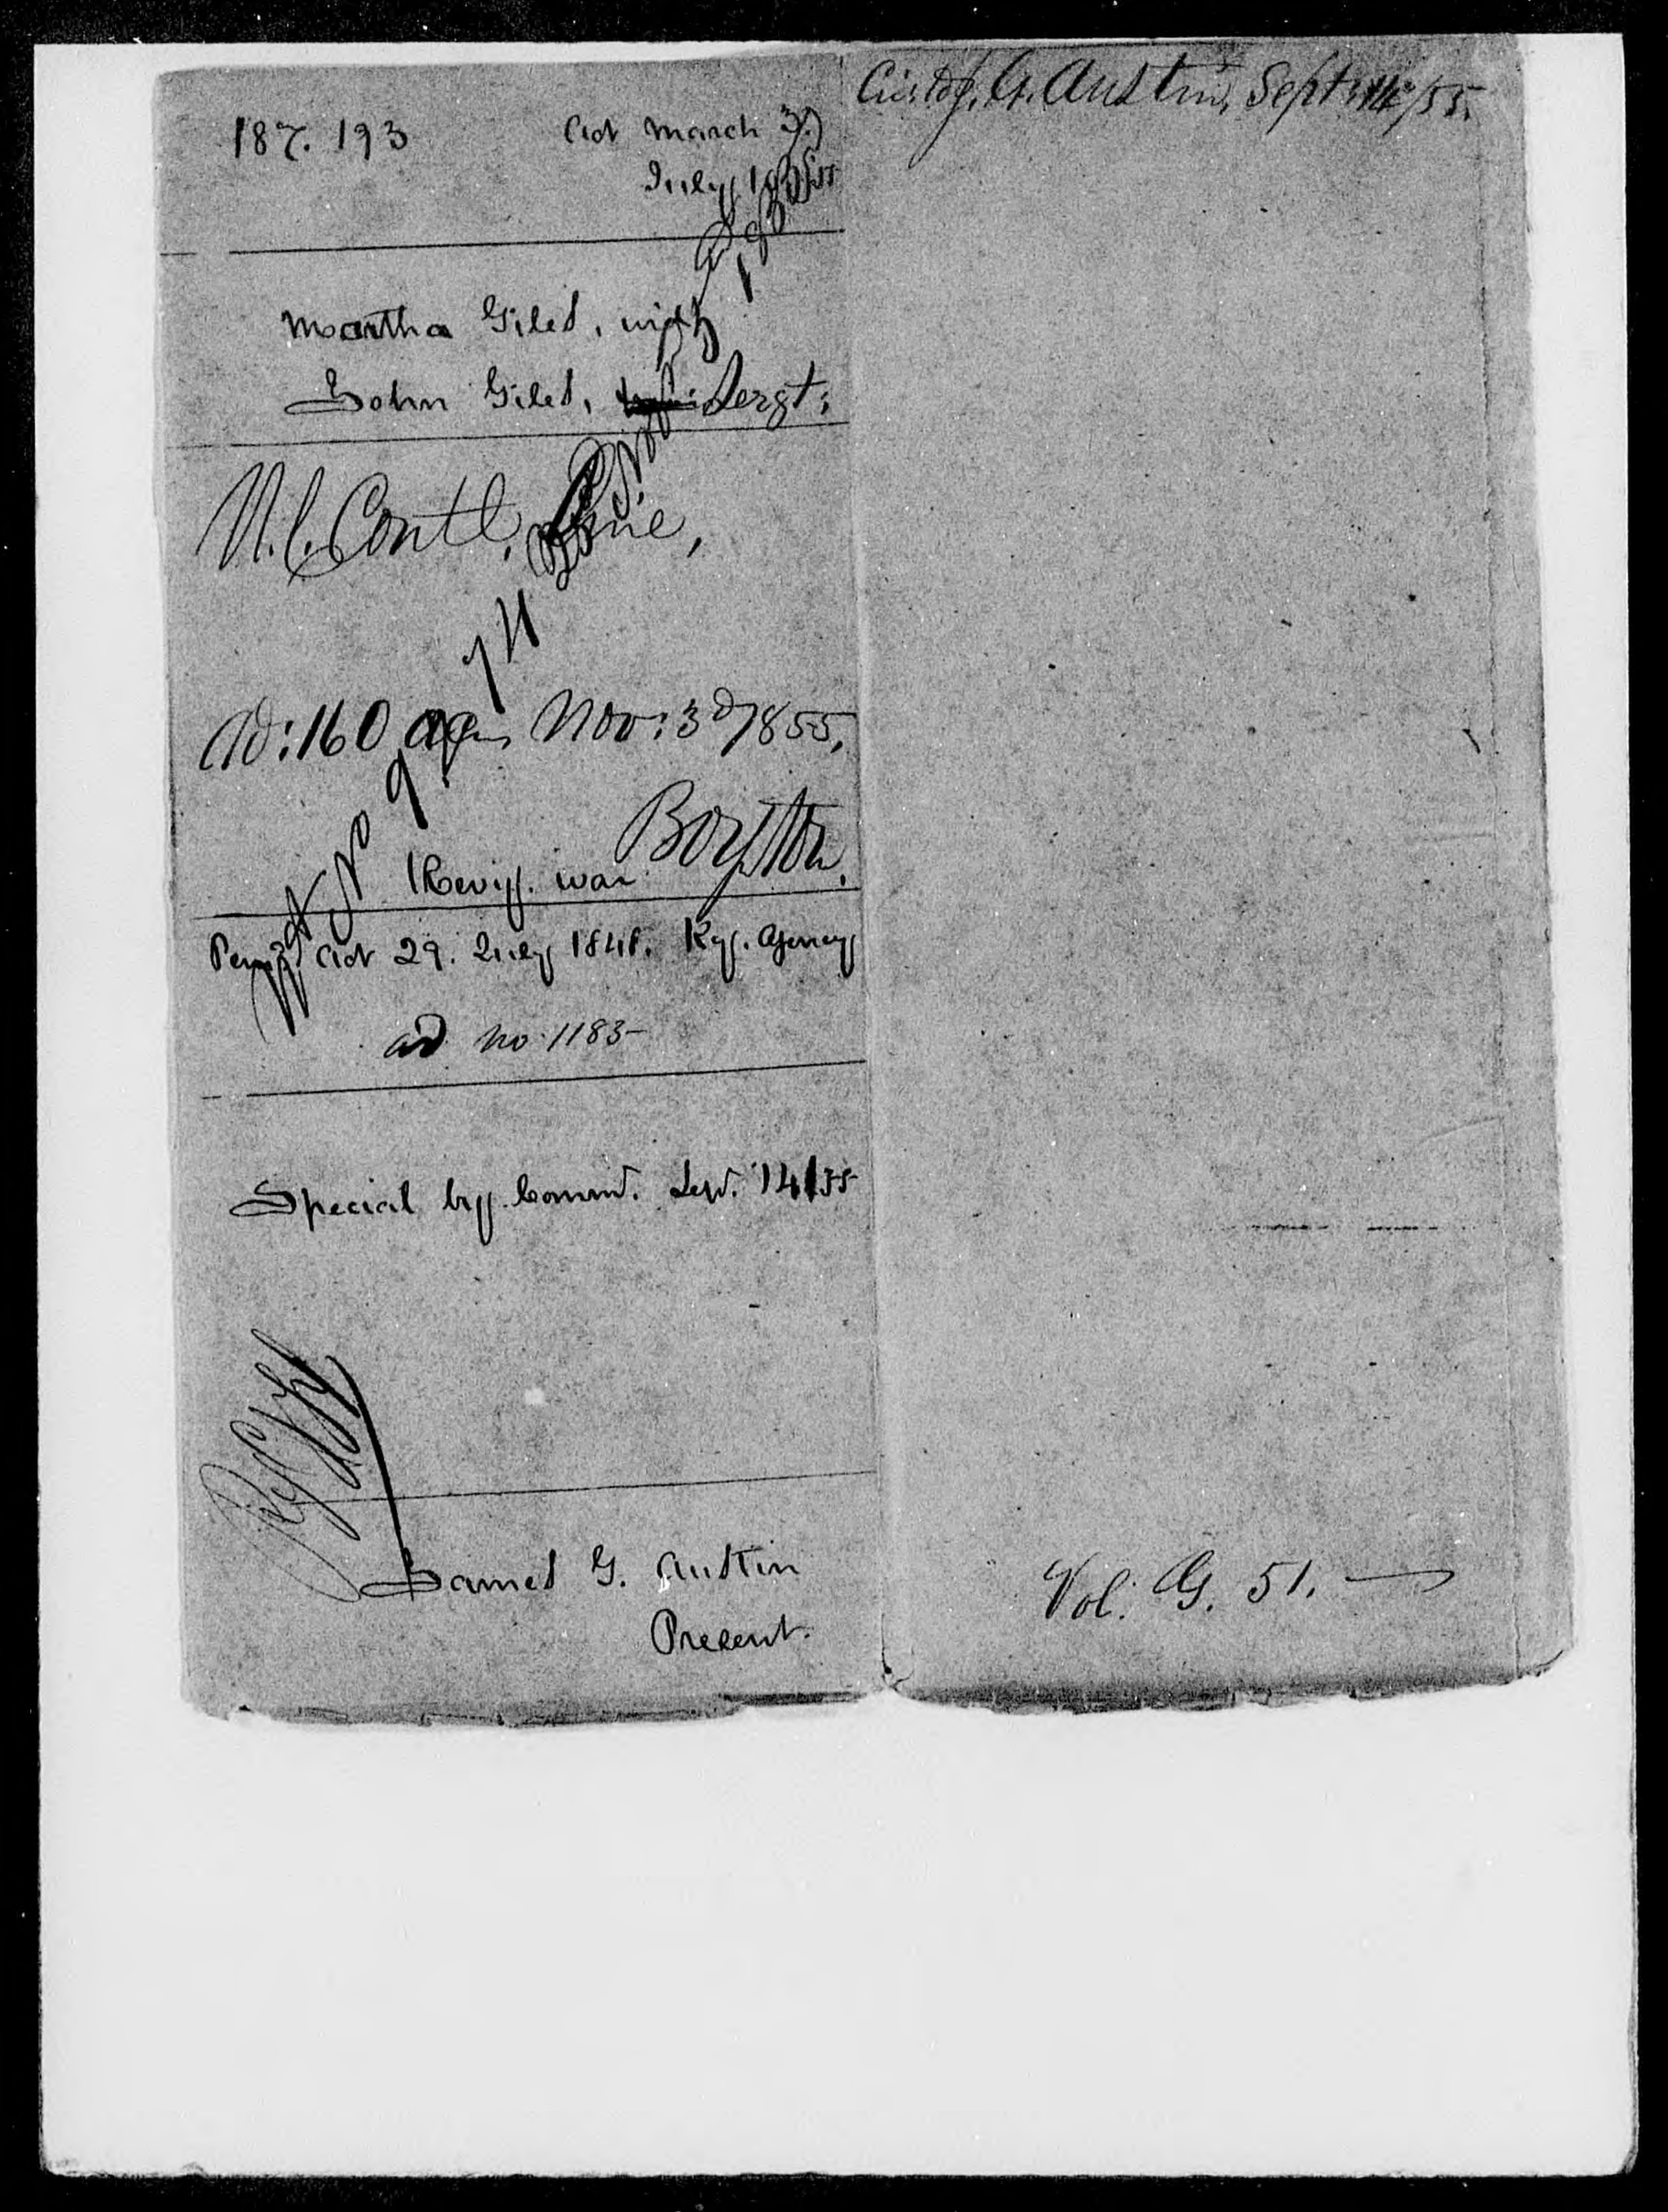187.193 Act of March 3
July 1

Martha Giles, with John Giles Sergt.
NC Cont Line,

AD: 160 [illegible] Nov. 3d 1855.
Boyton
Revy war

Perm Act 29 July 1841. Ky Agency
ad
No 1183

Special by Commr Sept 14/55
James G. Austin
Present

Cert J.G. Austin Sept 14/55

Vol G. 51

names: James G Austin, J G Austin, Martha Giles, John Giles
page: 3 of 82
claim: widow's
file: W. 7,522, John Giles, N.C.